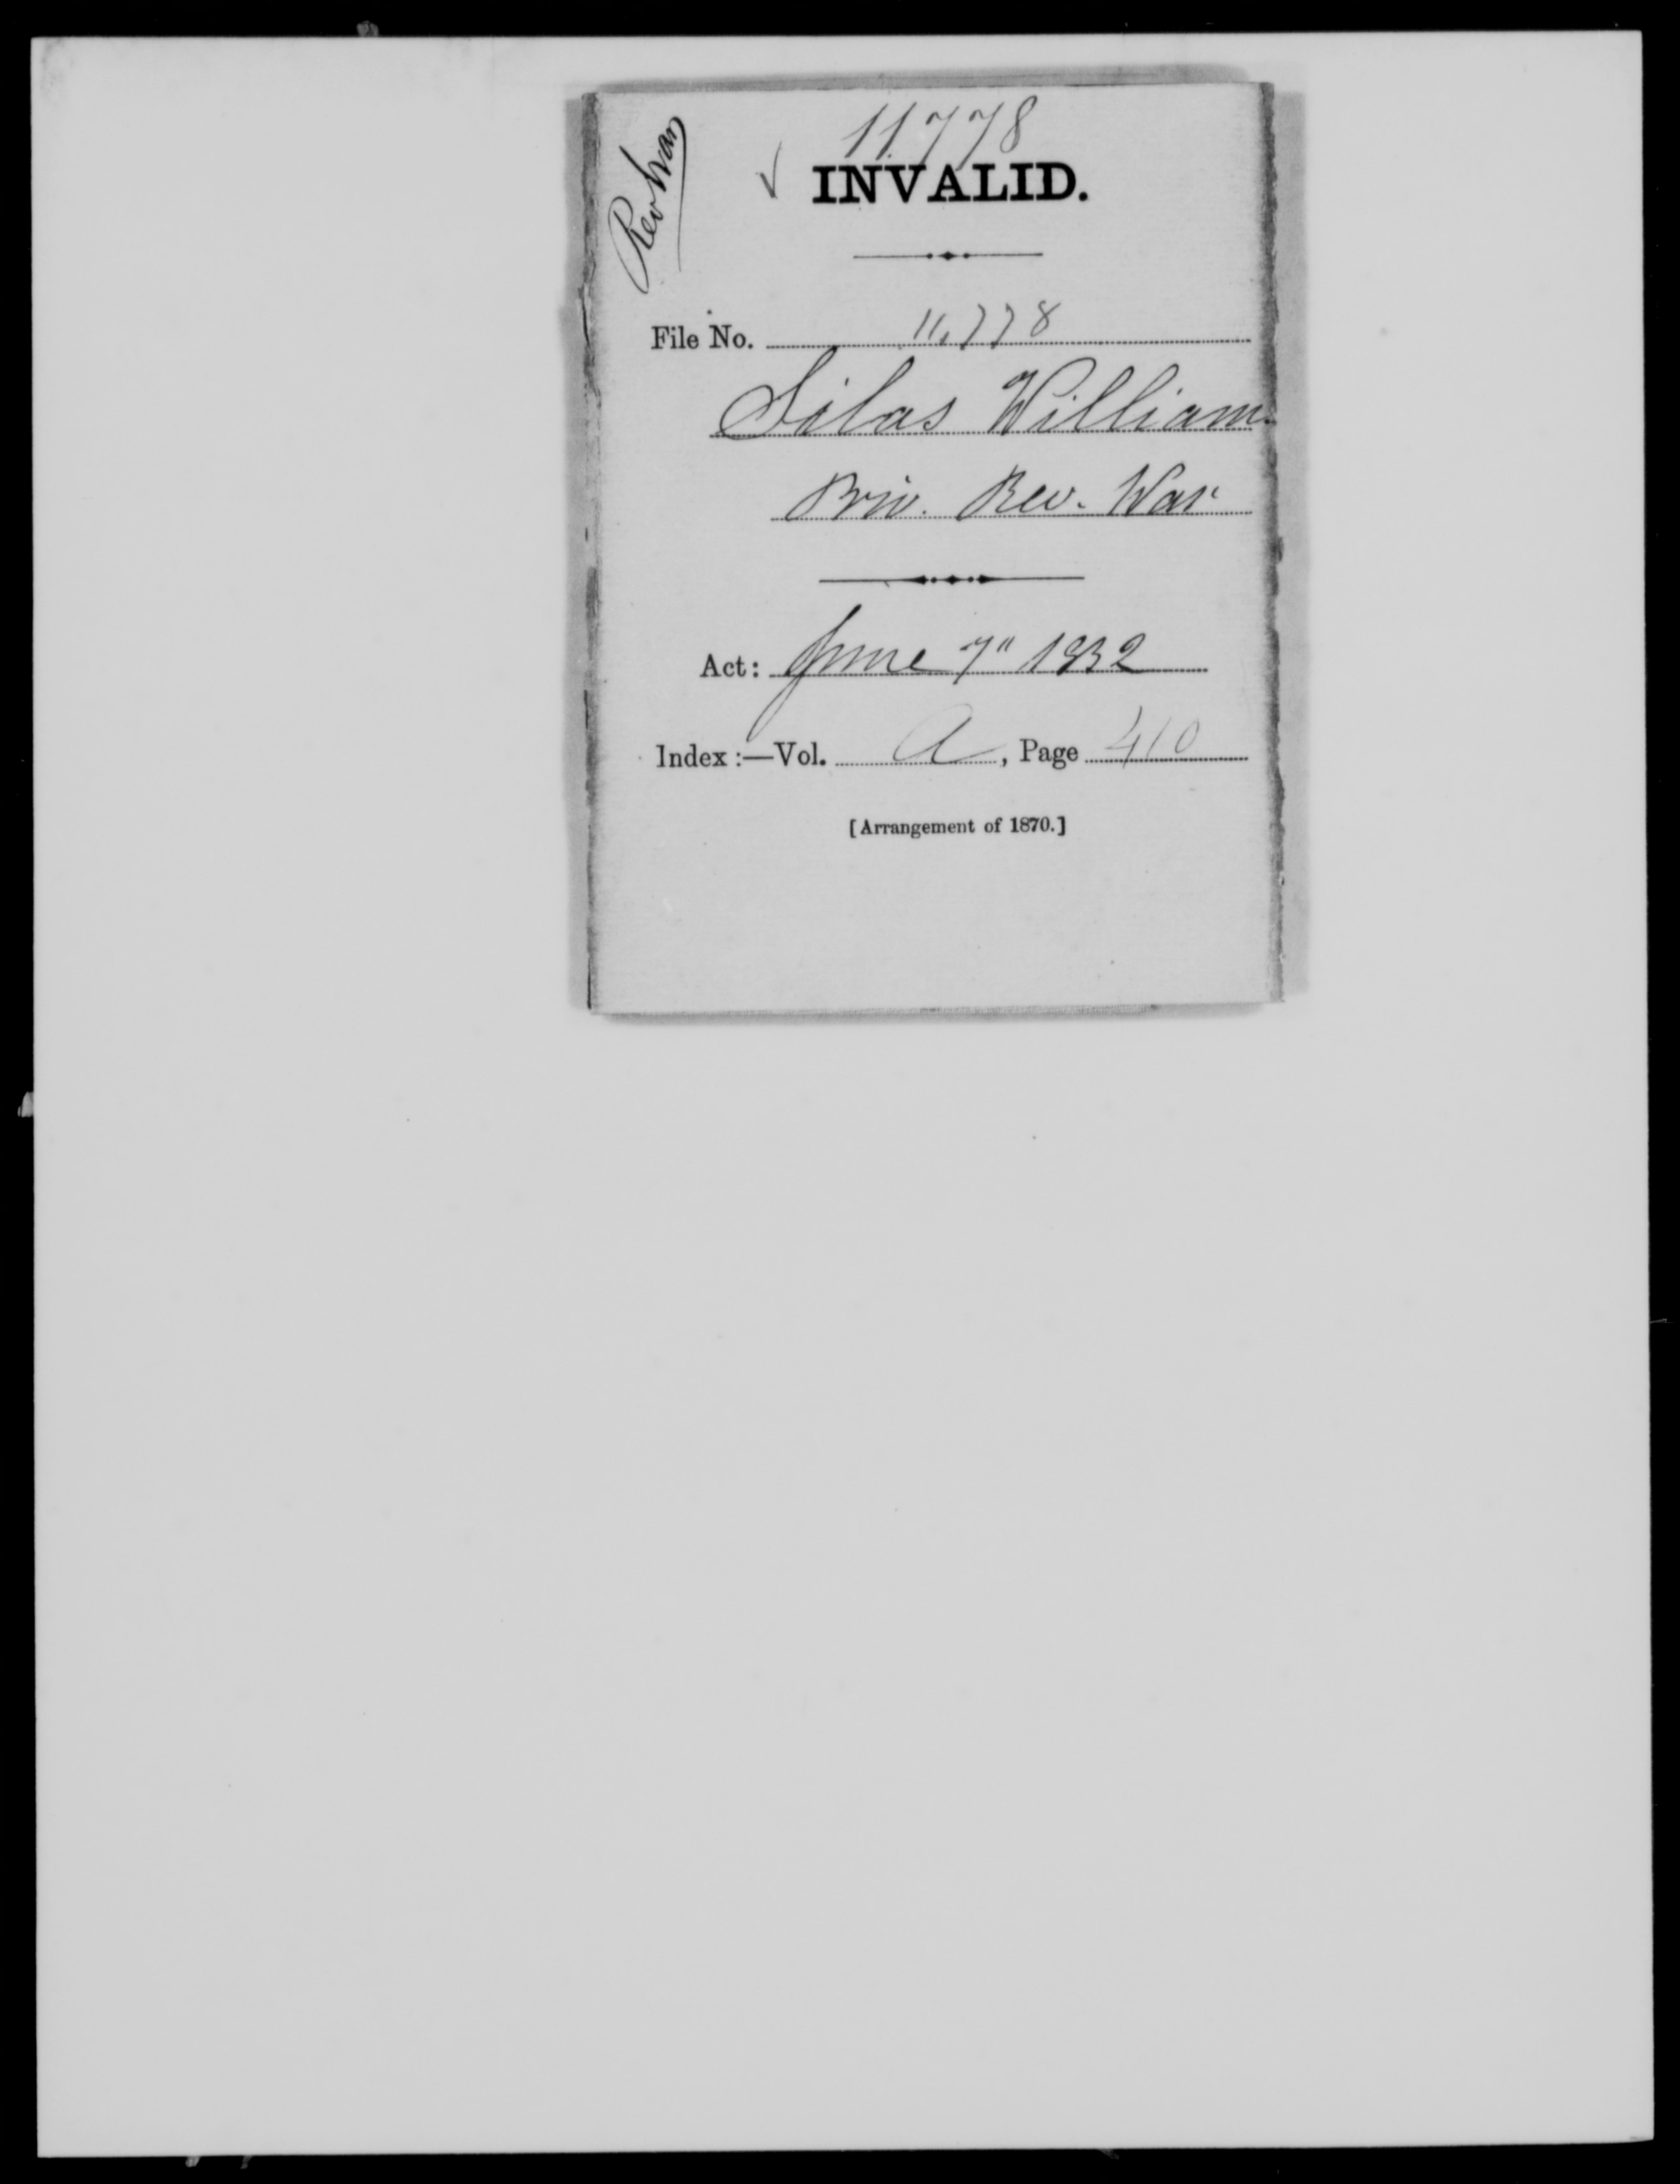Rev War 
11778
INVALID
File No 11778
Silas Williams Priv Rev War
Act June 7th 1832
Index Vol A, Page 410
[Arrangement of 1870]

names: Silas Williams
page: 13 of 20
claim: survivor's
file: S. 11778, Silas Williams, Mass.